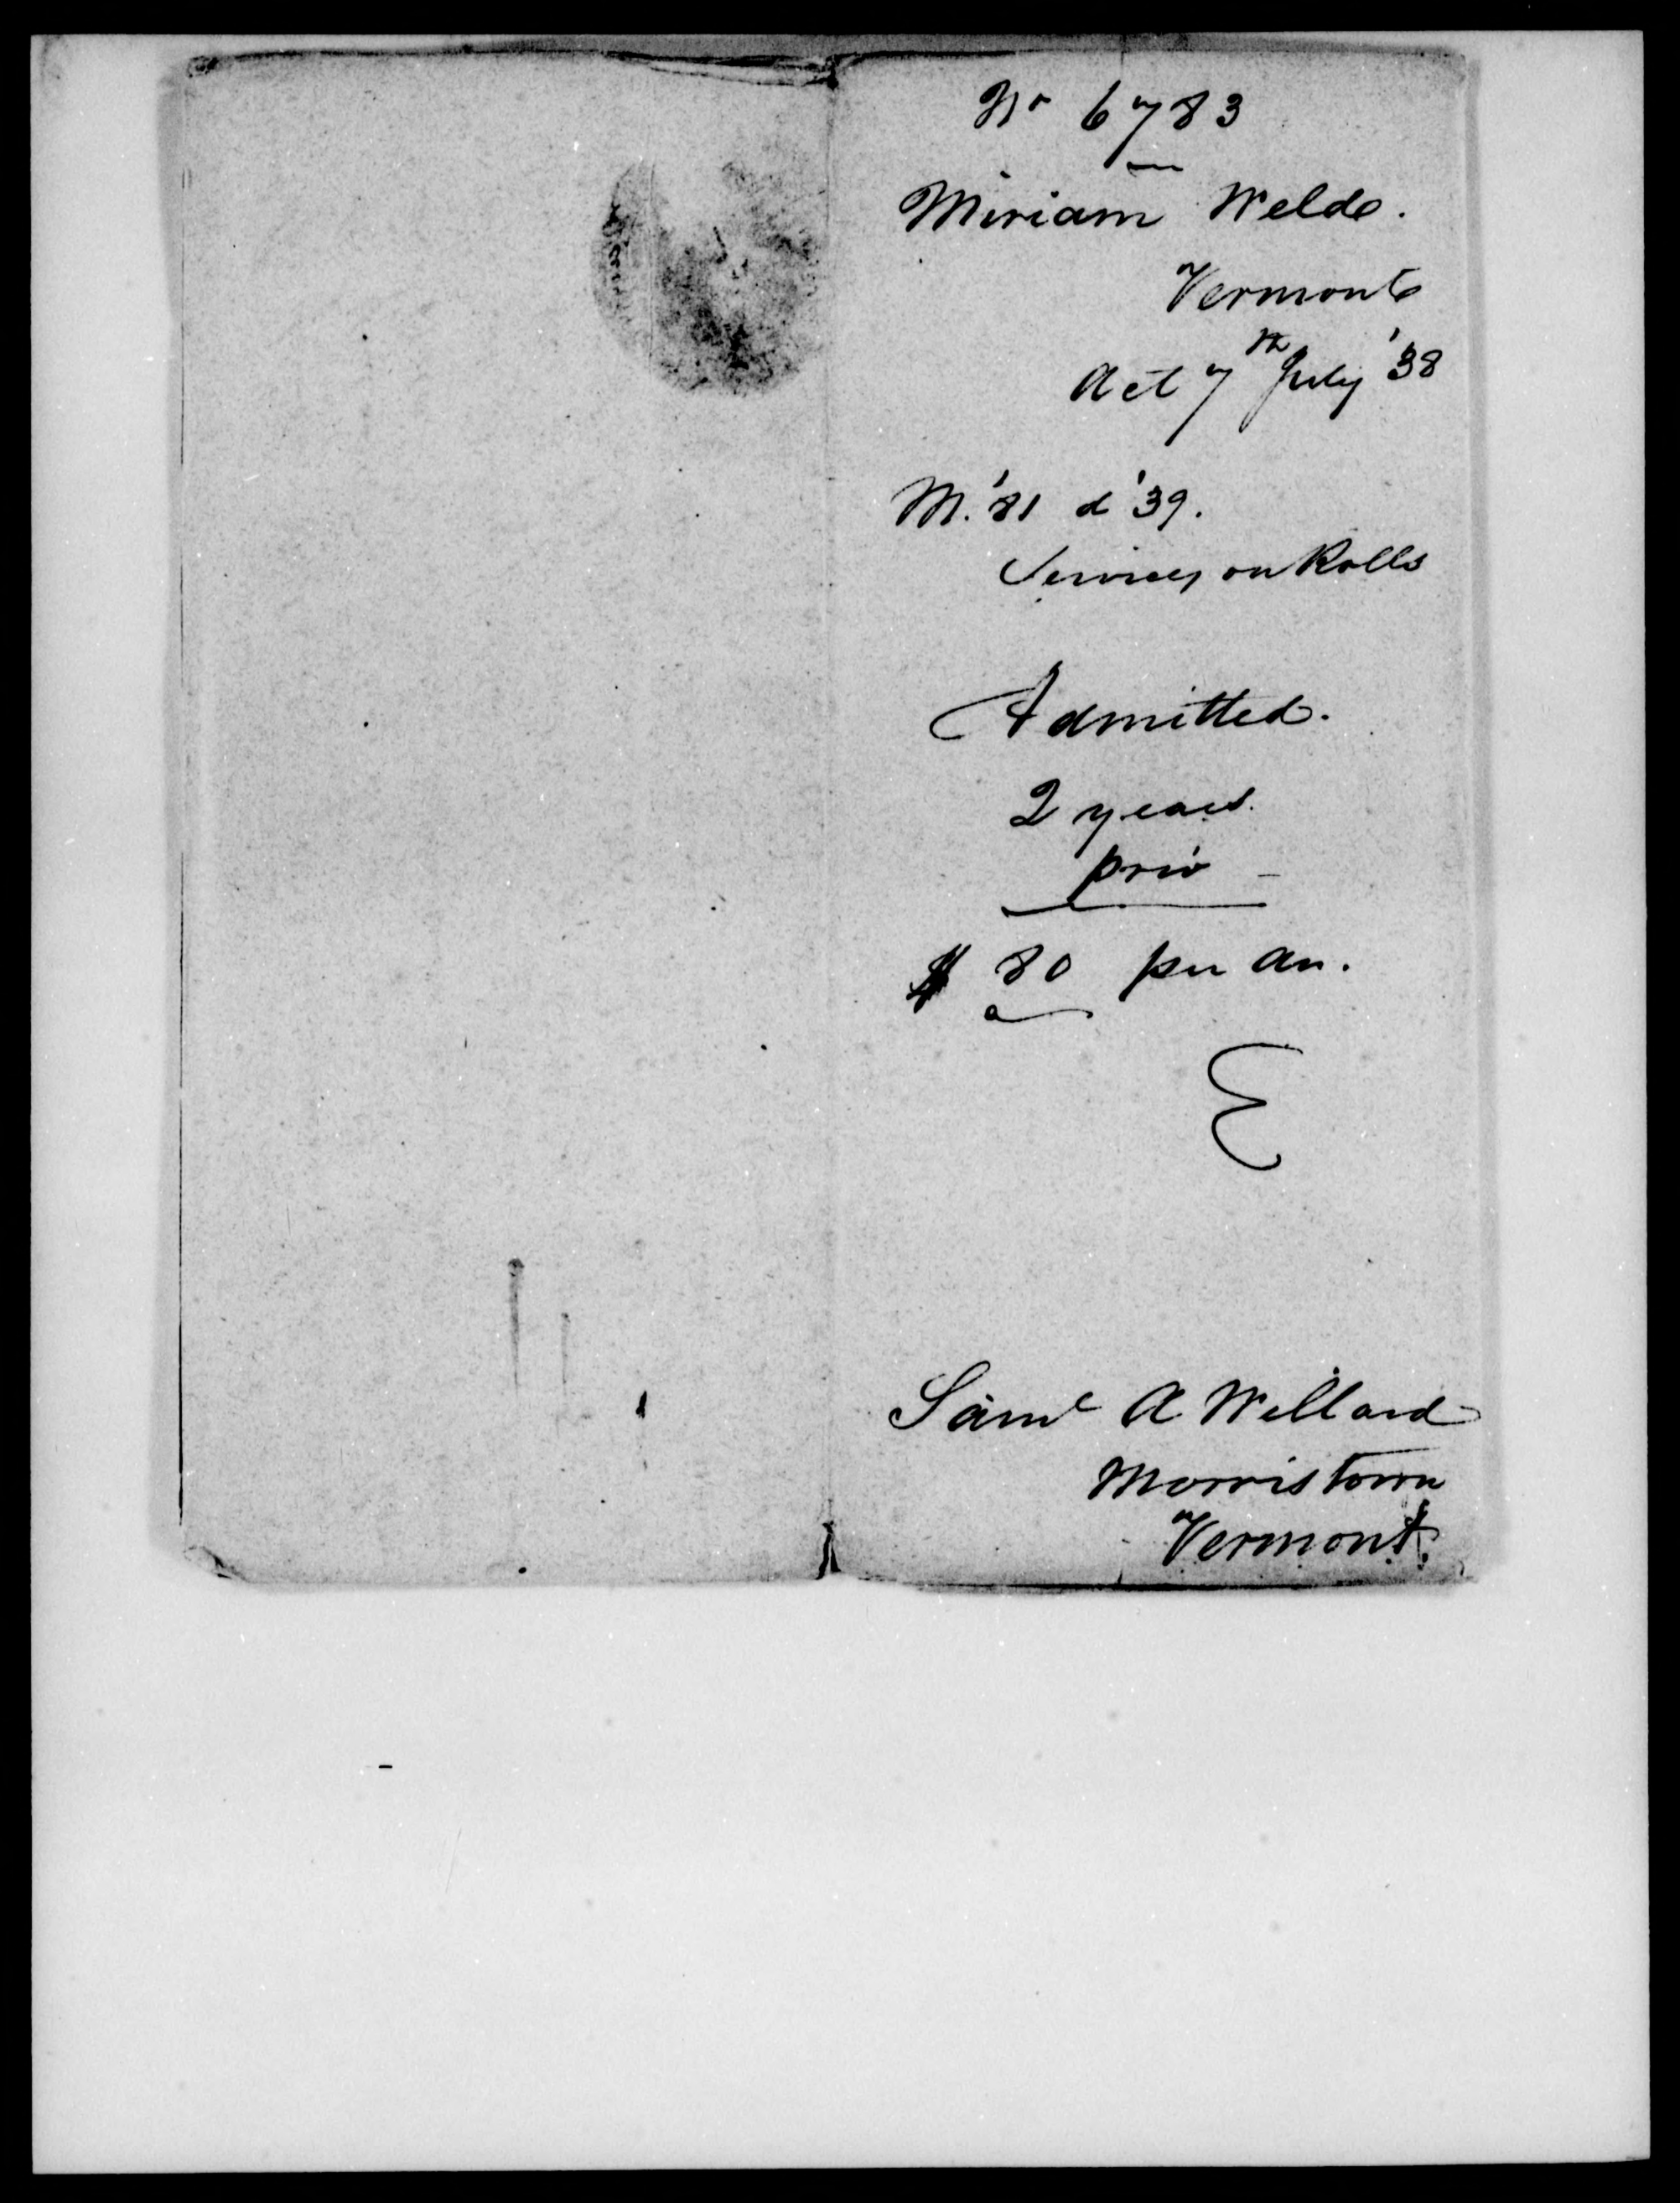No 6783
Miriam Weld.
Vermont
Act 7th July 38
M. '81 d.'39
Service on Rolls
Admitted
2 years
priv
$80 per An
Saml A Willard
Morristown
Vermont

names: Saml A Wellard, Miriam Weld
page: 39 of 87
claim: widow's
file: W. 25,966, Moses Weld, Mass.